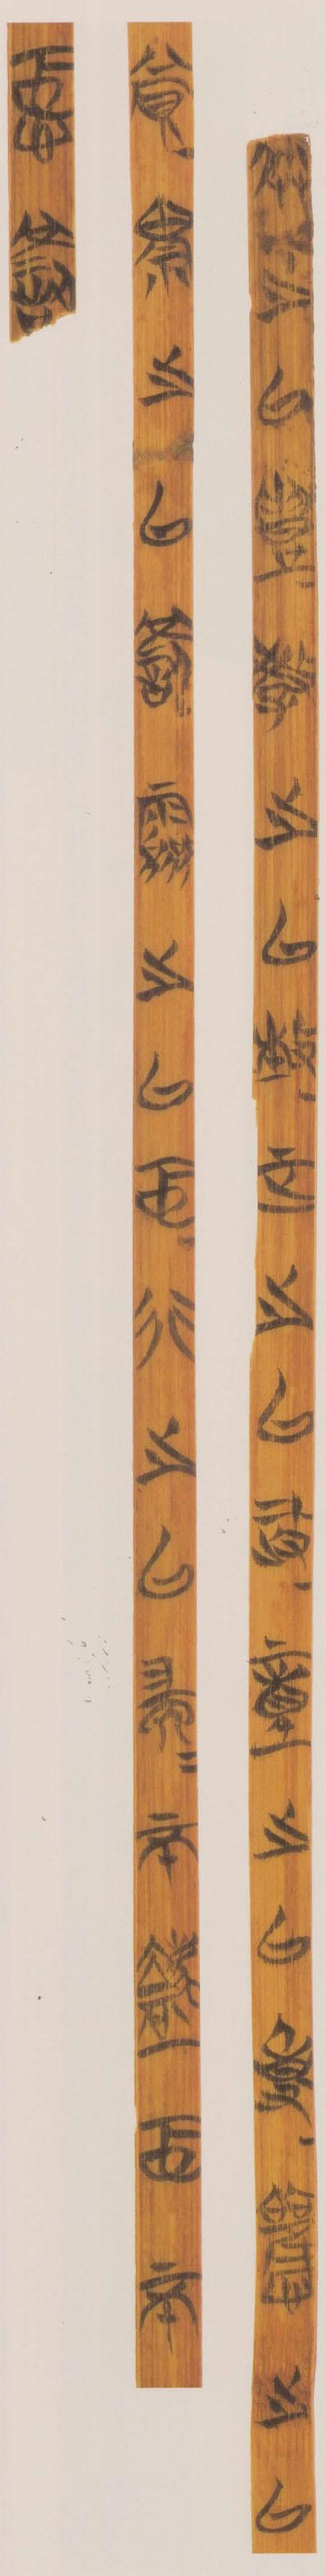{人灷}之㠯（以）豊教之㠯（以）{坴攴}正之㠯（以）政童之㠯（以）事懽之㠯（以）賞{鬼示}之㠯（以）罰{霝㐺}之㠯（以）𠁩行之㠯（以）耑=不{盍廌}𠁩不忠罰
